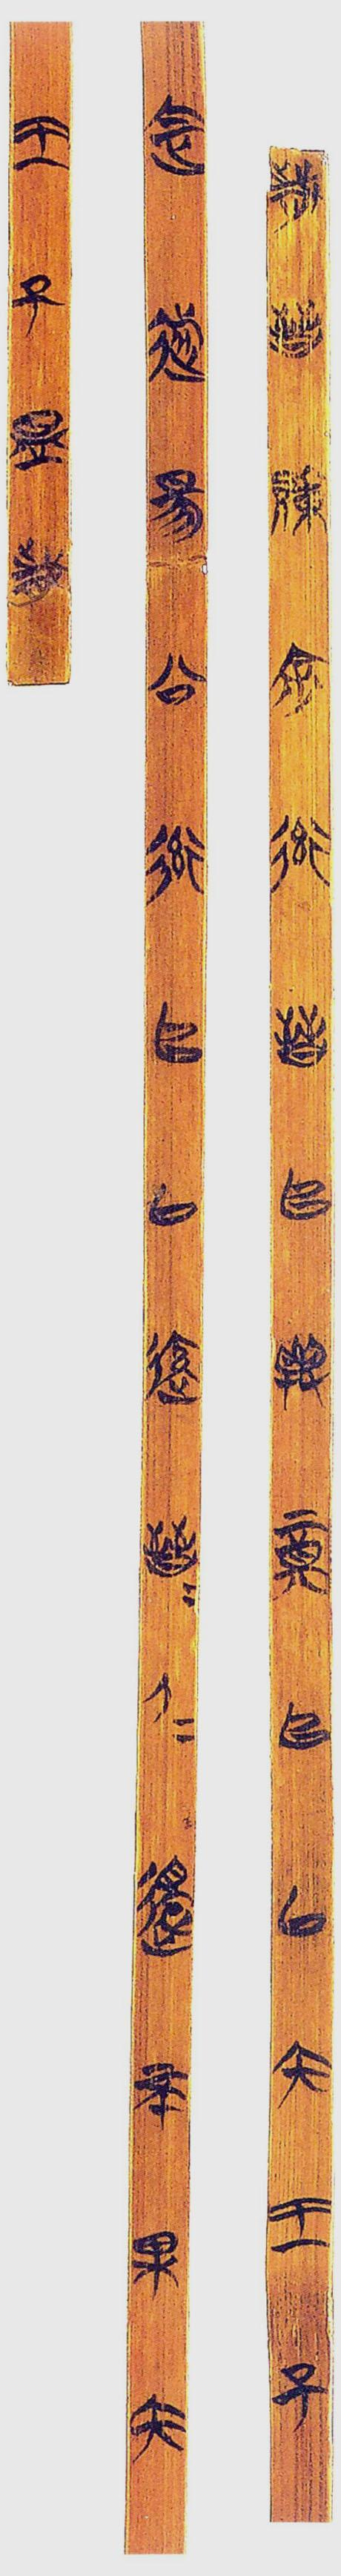歲晉{貝重}余率晉𠂤與奠𠂤㠯（以）內王子定{辶旅}昜公率𠂤㠯（以）{辶交}晉=人=還不果內王子昷歲
